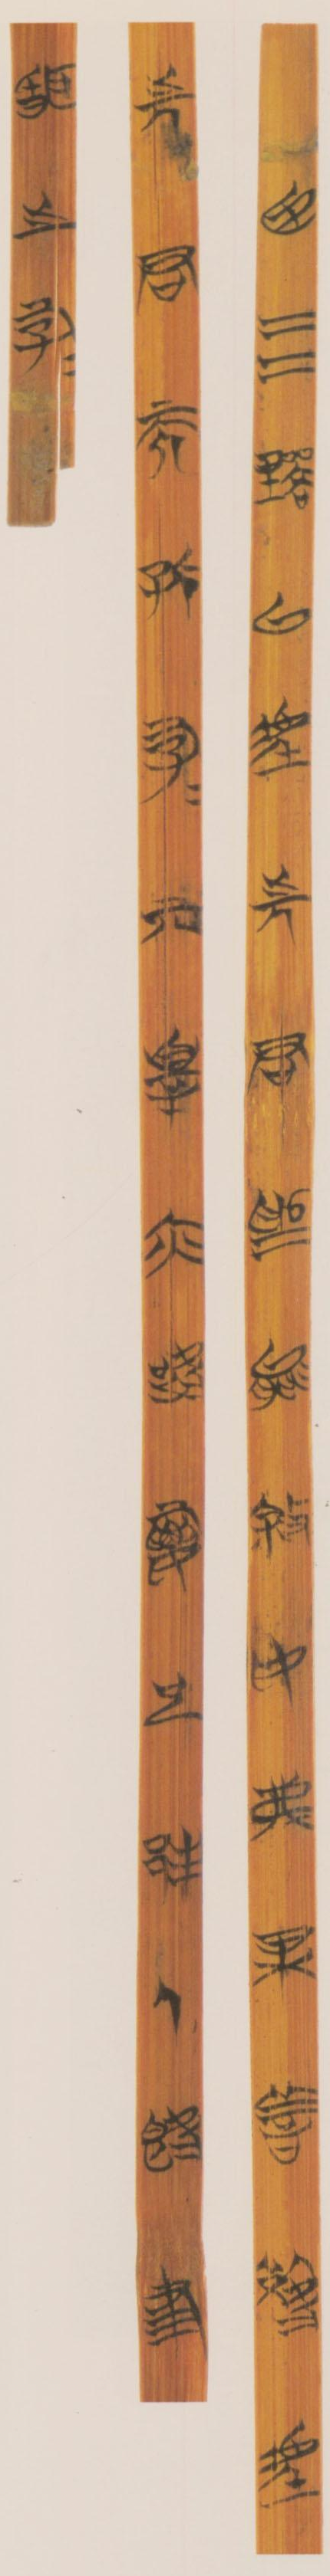臣亖{里吅吝}㠯（以）𫊟先君爲能敘女弗果善{死欠}𫊟先君而孤乳=亓辠亦{足欠}婁也邦人既𦘔䎽之乳=
